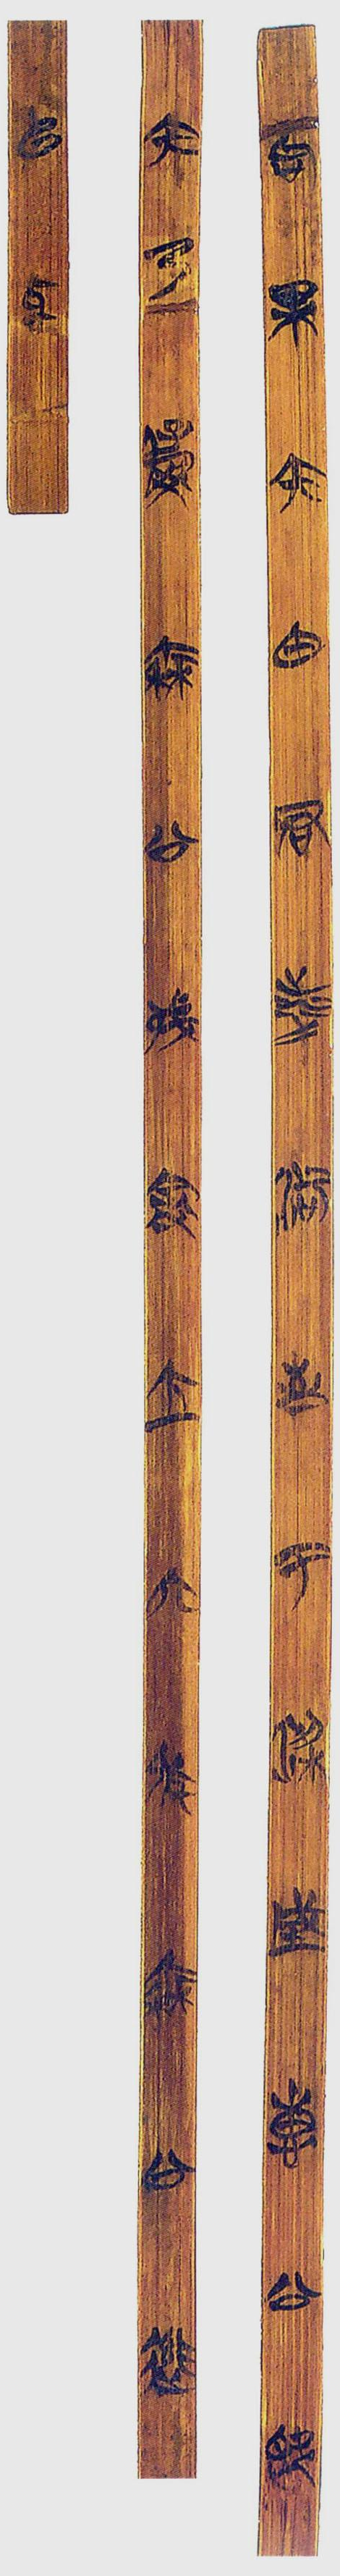句果內囟君涉河至于梁城惠公既內乃{人呆爻}秦公弗{余又}立六年秦公{行幺止}𠂤與
